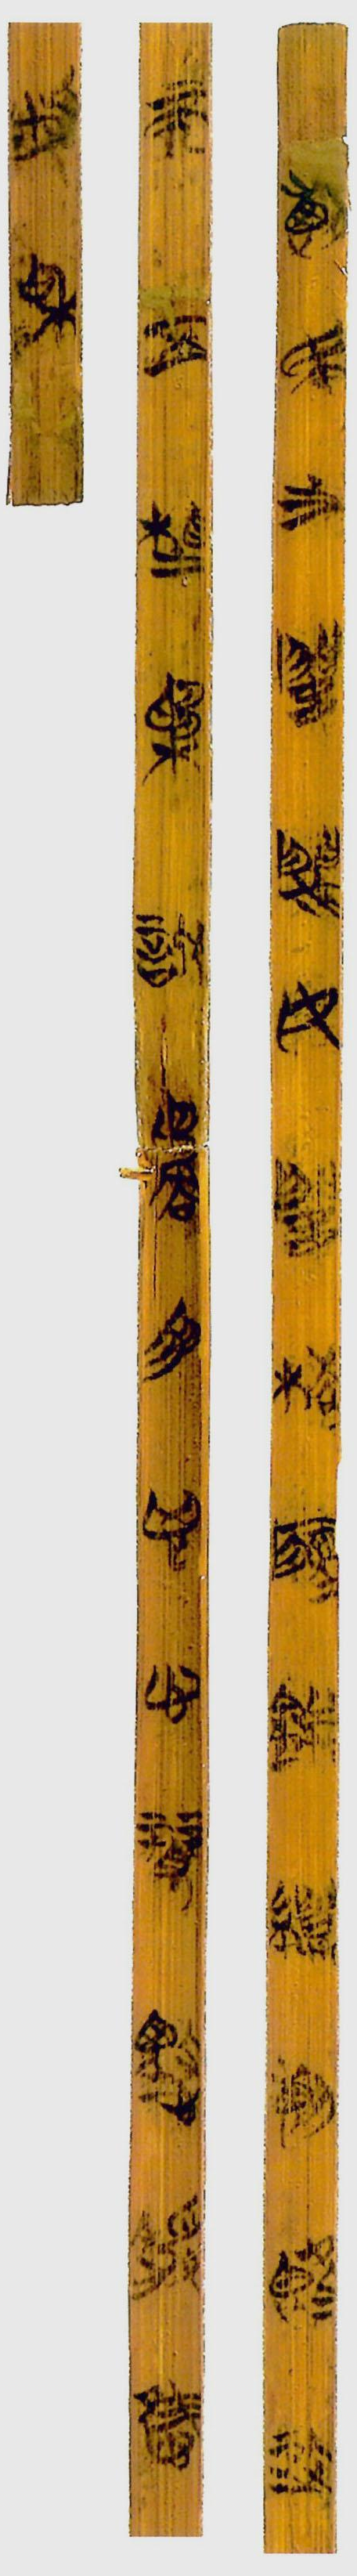{叀刀}民之{門串}（關）閟女{門串}（關）柭{戶巠}{金𠔉}{糸興}{叀刀}既政而五{相止}柔{言比}（僻）矞易凶心{幵見}{垔攴心}嘉惟料和
